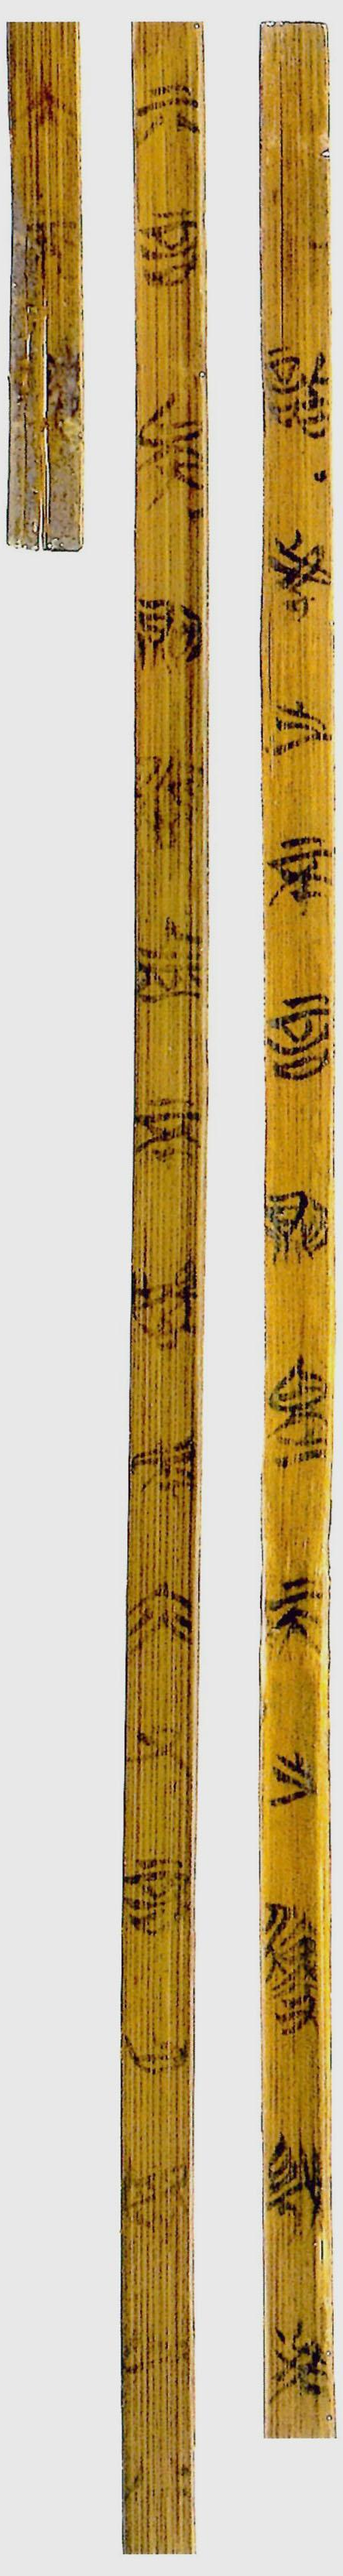□詣我之不言則畏天之發幾我亓言矣則{人䏌心}者不{女𡵂心}民亦又言曰悔（謀）亡小人大而器
